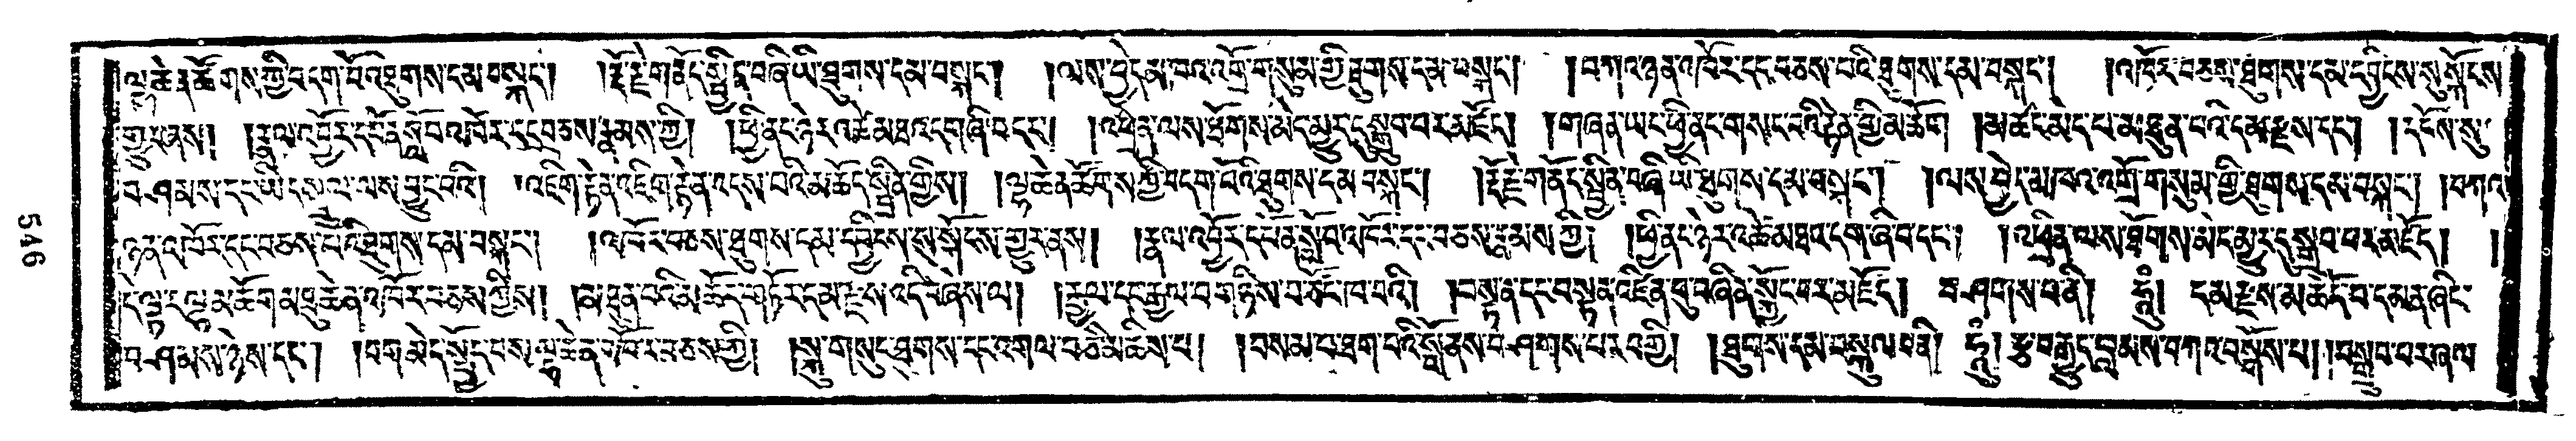ལྷ་ཆེན་ཚོགས་ཀྱི་བདག་པོའི་ཐུགས་དམ་བསྐང་། །རྡོ་རྗེ་གནོད་སྦྱིན་བཞི་ཡི་ཐུགས་དམ་བསྐང་། །ལས་བྱེད་མཁའ་འགྲོ་གསུམ་གྱི་ཐུགས་དམ་བསྐང་། །བཀའ་ཉན་འཁོར་དང་བཅས་པའི་ཐུགས་དམ་བསྐང་། །འཁོར་བཅས་ཐུགས་དམ་དབྱིངས་སུ་སྐོངས་
གྱུར་ཞས། །རྣལ་འབྱོར་དཔོན་སློབ་འཁོར་དང་བཅས་རྣམས་ཀྱི། །ཕྱི་ནང་ཉེར་འཚེ་མཐའ་དག་ཞི་བ་དང་། །འཕྲིན་ལས་ཐོགས་མེད་མྱུར་དུ་སྒྲུབ་བར་མཛོད། །གཞན་ཡང་ཕྱི་ནང་གསང་བའི་རྟེན་གྱི་མཆོག །མཚང་མེད་པ་མཐུན་བའི་དམ་རྫས་དང་། །དངོས་སུ་
བཤམས་དང་ཡིད་སྤྲུལ་ལས་བྱུང་བའི། །འཇིག་རྟེན་འཇིག་རྟེན་འདས་པའི་མཆོད་སྦྲིན་གྱིས། །ལྷ་ཆེན་ཚོགས་ཀྱི་བདག་པོའི་ཐུགས་དམ་བསྐང་། །རྡོ་རྗེ་གནོད་སྦྱིན་བཞི་ཡི་ཐུགས་དམ་བསྐང་། །ལས་བྱེད་མཁའ་འགྲོ་གསུམ་གྱི་ཐུགས་དམ་བསྐང་། །བཀའ་
ཉན་འཁོར་དང་བཅས་པའི་ཐུགས་དམ་བསྐང་། །འཁོར་བཅས་ཐུགས་དམ་དབྱིངས་སུ་སྐོངས་གྱུར་ནས། །རྣལ་འབྱོར་དཔོན་སློབ་འཁོར་དང་བཅས་རྣམས་ཀྱི། །ཕྱི་ནང་ཉེར་འཚེ་མཐའ་དག་ཞི་བ་དང་། །འཕྲིན་ལས་ཐོགས་མེད་མྱུར་དུ་སྒྲུབ་པར་མཛོད། །
དེ་ལྟར་ལྷ་མཆོག་མཐུ་ཆེན་འཁོར་བཅས་ཀྱིས། །མཐུན་བའི་མཆོད་གཏོར་དམ་རྫས་འདི་བཞེས་ལ། །རྒྱལ་དང་རྒྱལ་བ་གཉིས་བ་ཙོང་ཁ་བའི། །བསྟན་དང་བསྟན་འཛིན་བུ་བཞིན་སྐྱོང་བར་མཛོད། བཤགས་བ་ནི། ཧཱུཾ། དམ་རྫས་མཆོད་བ་དམན་ཞིང་
བཤམས་ཉེས་དང་། །བག་མེད་སྤྱོད་པས་ལྷ་ཆེན་འཁོར་བཅས་ཀྱི། །སྐུ་གསུང་ཐུགས་དང་འགལ་བ་ཅི་མཆིས་པ། །བསམ་པ་ཐག་པའི་སྒོ་ནས་བཤགས་པར་བགྱི། །ཐུགས་དམ་བསྐུལ་བ་ནི། ཧཱུཾ། རྩ་བརྒྱུད་བླ་མས་བཀའ་བསྒོས་པ། །བསྒྲུབ་པར་ཞལ་